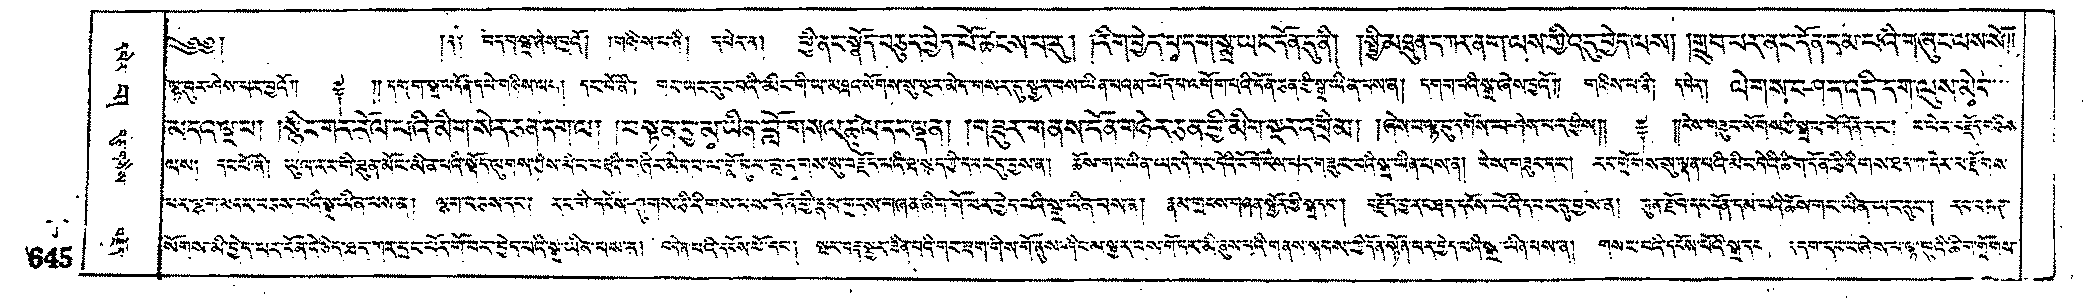༄༅། །ན༑ བདག་སྒྲ་ཞེས་བྱའོ། །གཉིས་པ་ནི། དཔེར་ན།  ཕྱི་ནང་སྣོད་བཅུད་བྱེད་པོ་ཚངས་པ་རུ། །རིག་བྱེད་པ྾་དག་སྨྲ་ཡང་དོན་དུ་ནི། །སྤྱི་མཐུན་དཀར་ནག་ལས་ཀྱི་འདུ་བྱེད་ལས། །གྲུབ་པར་ནང་དོན་དམ་པའི་གཞུང་ལས་སོ།།
ལྟ་བུར་ཤེས་པར་བྱའོ།། འ་།།དགག་སྒྲ་ལ་དོན་དཔེ་གཉིས་ལས། དང་པོ་ནི། གང་ཡང་རུང་བའི་མིང་གི་ཡ་མཐའ་སོགས་སུ་སྔར་མེད་གསར་དུ་སྦྱར་བས་ཡིན་པའམ་ཡོད་པ་འགོག་པའི་དོན་ཅན་གྱི་སྒྲ་ཡིན་པས་ན། དགག་པའི་སྒྲ་ཞེས་བྱའོ།། གཉིས་པ་ནི། དཔེར།  ལེགས་བཤད་འདི་དག་ལུས་མེད྾་་་
མདའ་ལྔ་པ། །སྙིང་གར་རོལ་པའི་མིག་སེར་ཅན་དག་ལ། །བསྟན་བྱ་མ྾་ཡིན་བློ་གསལ་ཚུལ་དང་ལྡན། །གཟུར་གནས་དོན་གཉེར་ཅན་གྱི་མིག་སྔར་འགྲིམ། །ཞེས་པ་ལྟ་བུ་དགོས་པ་ཤེས་པར་གྱིས།། འ་།།ངེས་གཟུང་སོགས་ཀྱི་སྒྲ་ལ་གོ་དོན་དང་། དཔེར་བརྗོད་གཉིས་
ལས། དང་པོ་ནི། ཡུལ་རང་གི་ཐུན་མོང་མིན་པའི་སྡོད་ལུགས་ཀྱིས་མིང་བརྡའི་གཞིར་མེད་པ་ལ་གློ་བུར་བླ་དྭགས་སུ་བརྗོད་པའི་ཐ་སྙད་ཀྱི་དབང་དུ་བྱས་ན། ཆོས་གང་ཡིན་ཡང་དེ་དང་དེའི་ངོ་བོ་ངེས་པར་གཟུང་བའི་སྒྲ་ཡིན་པས་ན། དེས་གཟུང་དང་། རང་གྲོགས་སུ་ལྡན་པའི་མིང་དེའི་ཚིག་དོན་ཅི་རིགས་ཐད་ཀ་དེར་མ་རྫོགས་
པར་ལྷག་མ་དང་བཅས་པའི་སྒྲ་ཡིན་པས་ན། ལྷག་བཅས་དང་། རང་གི་དངོས་ཤུགས་ཅི་རིགས་པས་དོན་གྱི་རྣམ་གྲངས་གཞན་ཞིག་གོ་བར་བྱེད་པའི་སྒྲ་ཡིན་པས་ན། རྣམ་གྲངས་གཞན་སྦྱོར་གྱི་སྒྲ་དང་། བརྗོད་བྱ་རང་ཐད་དངོས་པོའི་དབང་དུ་བྱས་ན། ཀུན་རྫོབ་དང་དོན་དམ་པའི་ཆོས་གང་ཡིན་ཡང་རུང་། རབ་བཏཊ་
སོགས་མི་བྱེད་པར་དོན་དེ་ཉིད་ཐད་ཀར་དྲང་པོར་གོ་བར་བྱེད་པའི་སྒྲ་ཡིན་པས་ན། བདེན་པའི་དངོས་པོ་དང་། སྔར་བརྡ་སྦྱར་ཟིན་པའི་གང་ཟག་གིས་གོ་ནུས་ཤིང་མ་སྦྱར་བས་གོ་བར་མི་ནུས་པའི་གནས་སྐབས་ཀྱི་དོན་སྟོན་པར་བྱེད་པའི་སྒྲ་ཡིན་པས་ན། གསང་བའི་དངོས་པོའི་སྒྲ་དང་། དེ་དག་དང་ང་ཞེས་པ་ལྟ་བུའི་ཚིག་གྲོགས་